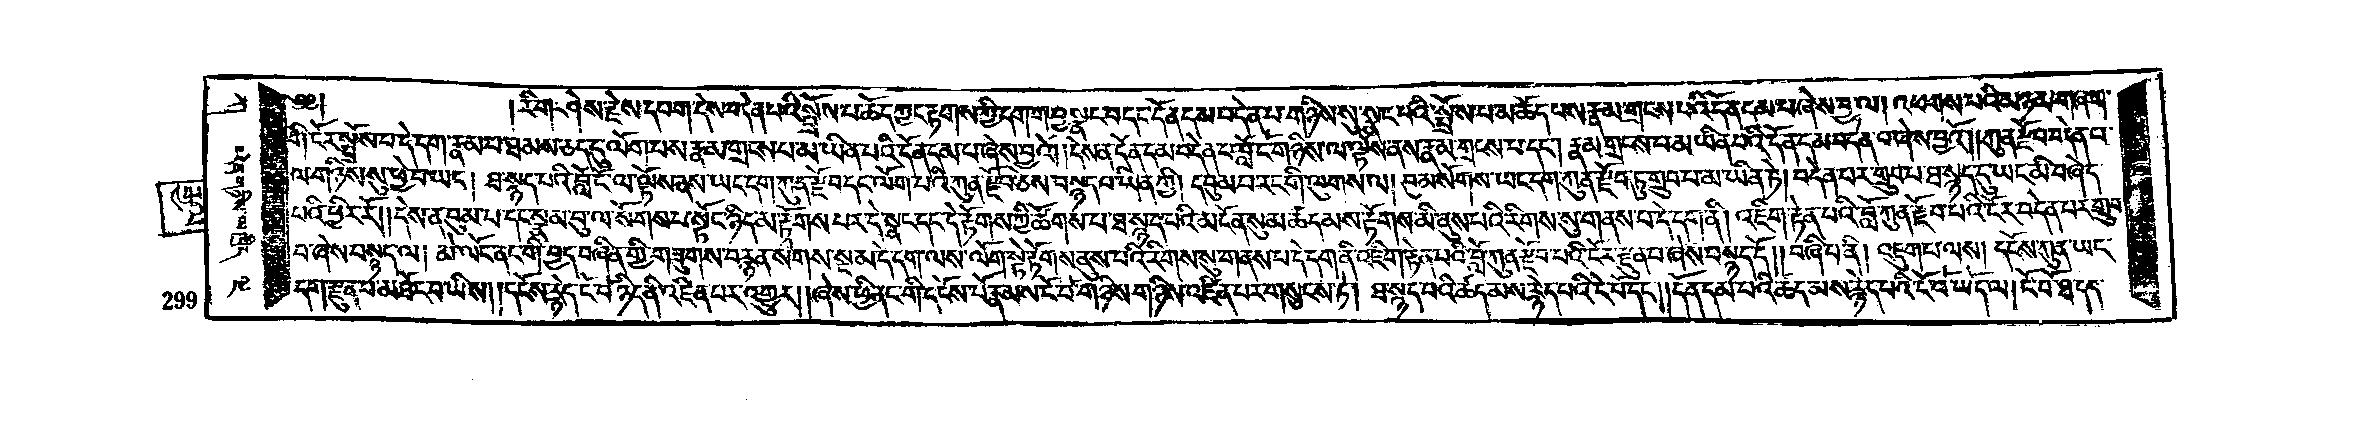༄༅། །རིག་ཤེས་རྗེས་དཔག་དེས་བདེན་པའི་སྤྲོས་པ་ཆོད་ཀྱང་རྟགས་ཀྱི་དགག་བྱ་སྣང་བ་དང་དོན་དམ་བདེན་པ་གཉིས་སུ་སྣང་བའི་སྤྲོས་པ་མཆོད་པས་རྣམ་གྲངས་པའི་དོན་དམ་པ་ཞེས་བྱ་ལ། འཕགས་པའི་མཉམ་གཞག་
གི་ངོར་སྤྲོས་པ་དེ་དག་རྣམ་པ་ཐམས་ཅད་དུ་ལོག་པས་རྣམ་གྲངས་པ་མ་ཡིན་པའི་དོན་དམ་པ་ཞེས་བྱའོ། །དེས་ན་དོན་དམ་བདེན་པ་བློ་ངོ་གཉིས་ལ་ལྟོས་ནས་རྣམ་གྲངས་པ་དང་། རྣམ་གྲངས་པ་མ་ཡིན་པའི་དོན་དམ་བདེན་པ་ཞེས་བྱའོ། །ཀུན་རྫོབ་བདེན་པ་
ལ་གཉིས་སུ་ཕྱེ་བ་ཡང་། ཐ་སྙད་པའི་བློ་ངོ་ལ་ལྟོས་ནས་ཡང་དག་ཀུན་རྫོབ་དང་ལོག་པའི་ཀུན་རྫོབ་ཅེས་བསྙད་པ་ཡིན་གྱི། དབུ་མ་པ་རང་གི་ལུགས་ལ། བུམ་སོགས་ཡང་དག་ཀུན་རྫོབ་ཏུ་གྲུབ་པ་མ་ཡིན་ཏེ། བདེན་པར་གྲུབ་པ་ཐ་སྙད་དུ་ཡང་མི་བཞེད་
པའི་ཕྱིར་རོ། །དེས་ན་བུམ་པ་དང་སྣམ་བུ་ལ་སོགས་པ་སྟོང་ཉིད་མ་རྟོགས་པར་དེ་སྣང་དང་དེ་རྟོགས་ཀྱི་ཚོགས་པ་ཐ་སྙད་པའི་མངོན་སུམ་ཚད་མས་རྟོགས་མི་ནུས་པའི་རིགས་སུ་གནས་པ་དེ་དག་ནི། འཇིག་རྟེན་པའི་བློ་ཀུན་རྫོབ་པའི་ངོར་བདེན་པར་གྲུབ་
པ་ཞེས་བསྙད་ལ། མེ་ལོང་ནང་གི་བྱད་བཞིན་གྱི་གཟུགས་བརྙན་སོགས་སྔ་མ་དེ་དག་ལས་ལོག་སྟེ་རྟོགས་ནུས་པའི་རིགས་སུ་གནས་པ་དེ་དག་ནི་འཇིག་རྟེན་པའི་བློ་ཀུན་རྫོབ་པའི་ངོར་རྫུན་པ་ཞེས་བསྙད་དོ། །བཞི་པ་ནི། འཇུག་པ་ལས། དངོས་ཀུན་ཡང་
དག་རྫུན་པ་མཐོང་བ་ཡིས། །དངོས་རྙེད་ངོ་བོ་ཉིད་ནི་འཛིན་པར་འགྱུར། །ཞེས་ཕྱི་ནང་གི་དངོས་པོ་རྣམས་ངོ་བོ་གཉིས་གཉིས་འཛིན་པར་གསུངས་ཏེ། ཐ་སྙད་པའི་ཚད་མས་རྙེད་པའི་ངོ་བོ་དང་། དོན་དམ་པའི་ཚད་མས་རྙེད་པའི་ངོ་བོ་ཡོད་ལ། ངོ་བོ་ཐ་དད་